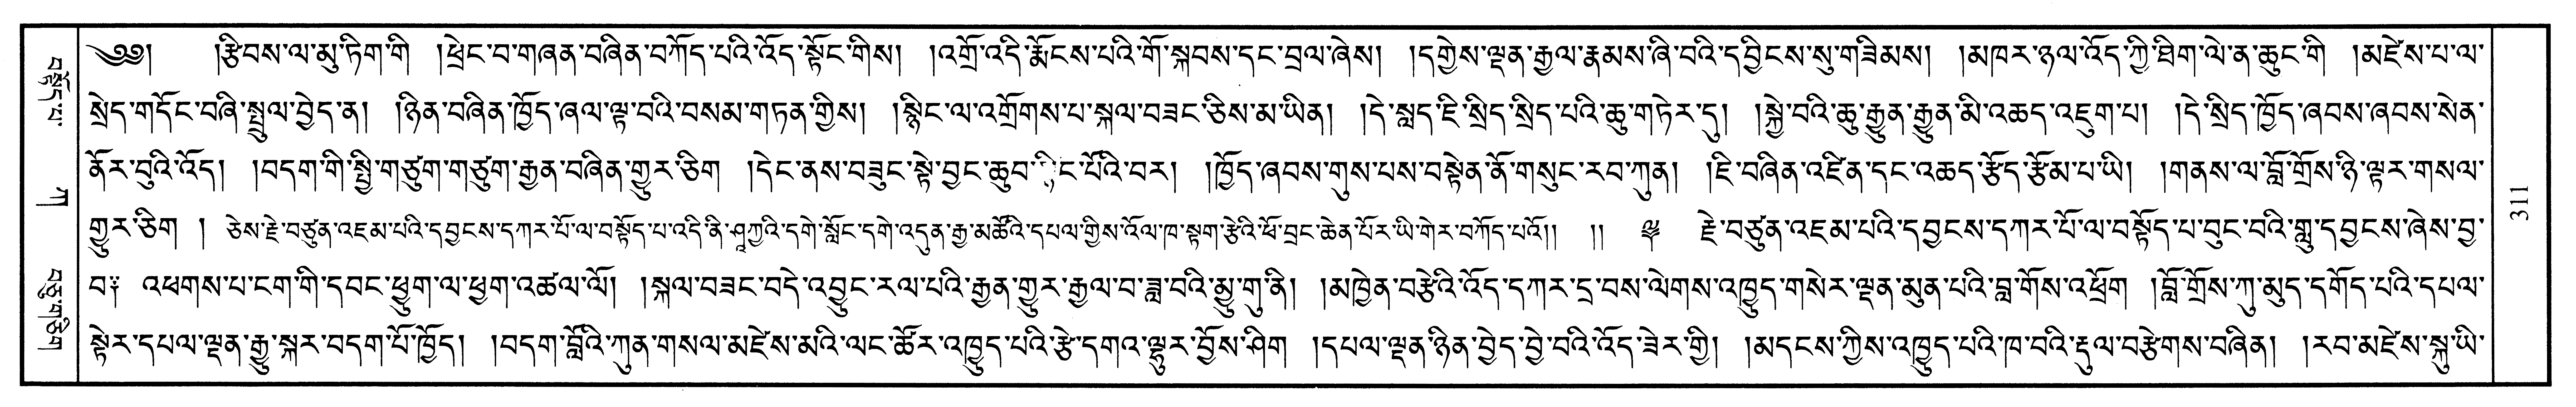༄༅། །རྩིབས་ལ་མུ་ཏིག་གི །ཕྲེང་བ་གཞན་བཞིན་བཀོད་པའི་འོད་སྟོང་གིས། །འགྲོ་འདི་རྨོངས་པའི་གོ་སྐབས་དང་བྲལ་ཞེས། །དགྱེས་ལྡན་རྒྱལ་རྣམས་ཞི་བའི་དབྱིངས་སུ་གཟིམས། །མཁར་ཉལ་འོད་ཀྱི་ཐིག་ལེ་ན་ཆུང་གི །མཛེས་པ་ལ་
སྲེད་གདོང་བཞི་སྤྲུལ་བྱེད་ན། །ཉིན་བཞིན་ཁྱོད་ཞལ་ལྟ་བའི་བསམ་གཏན་གྱིས། །སྙིང་ལ་འགྲོགས་པ་སྐལ་བཟང་ཅིས་མ་ཡིན། །དེ་སླད་ཇི་སྲིད་སྲིད་པའི་ཆུ་གཏེར་དུ། །སྐྱེ་བའི་ཆུ་རྒྱུན་རྒྱུན་མི་འཆད་འཇུག་པ། །དེ་སྲིད་ཁྱོད་ཞབས་ཞབས་སེན་
ནོར་བུའི་འོད། །བདག་གི་སྤྱི་གཙུག་གཙུག་རྒྱན་བཞིན་གྱུར་ཅིག །དེང་ནས་བཟུང་སྟེ་བྱང་ཆུབ་སྙིང་པོའི་བར། །ཁྱོད་ཞབས་གུས་པས་བསྟེན་ནོ་གསུང་རབ་ཀུན། །ཇི་བཞིན་འཛིན་དང་འཆད་རྩོད་རྩོམ་པ་ཡི། །གནས་ལ་བློ་གྲོས་ཉི་ལྟར་གསལ་
གྱུར་ཅིག །ཅེས་རྗེ་བཙུན་འཇམ་པའི་དབྱངས་དཀར་པོ་ལ་བསྟོད་པ་འདི་ནི་ཤཱཀྱའི་དགེ་སློང་དགེ་འདུན་རྒྱ་མཚོའི་དཔལ་གྱིས་འོལ་ཁ་སྟག་རྩེའི་ཕོ་བྲང་ཆེན་པོར་ཡི་གེར་བཀོད་པའོ།། །། ༈ རྗེ་བཙུན་འཇམ་པའི་དབྱངས་དཀར་པོ་ལ་བསྟོད་པ་བུང་བའི་གླུ་དབྱངས་ཞེས་བྱ་
བ༑ འཕགས་པ་ངག་གི་དབང་ཕྱུག་ལ་ཕྱག་འཚལ་ལོ། །སྐལ་བཟང་བདེ་འབྱུང་རལ་པའི་རྒྱན་གྱུར་རྒྱལ་བ་ཟླ་བའི་མྱུ་གུ་ནི། །མཁྱེན་བརྩེའི་འོད་དཀར་དྲ་བས་ལེགས་འཁྱུད་གསེར་ལྡན་མུན་པའི་བླ་གོས་འཕྲོག །བློ་གྲོས་ཀུ་མུད་དགོད་པའི་དཔལ་
སྟེར་དཔལ་ལྡན་རྒྱུ་སྐར་བདག་པོ་ཁྱོད། །བདག་བློའི་ཀུན་གསལ་མཛེས་མའི་ལང་ཚོར་འཁྱུད་པའི་རྩེ་དགའ་ལྷུར་བྱོས་ཤིག །དཔལ་ལྡན་ཉིན་བྱེད་བྱེ་བའི་འོད་ཟེར་གྱི། །མདངས་ཀྱིས་འཁྱུད་པའི་ཁ་བའི་རྡུལ་བརྩེགས་བཞིན། །རབ་མཛེས་སྐུ་ཡི་